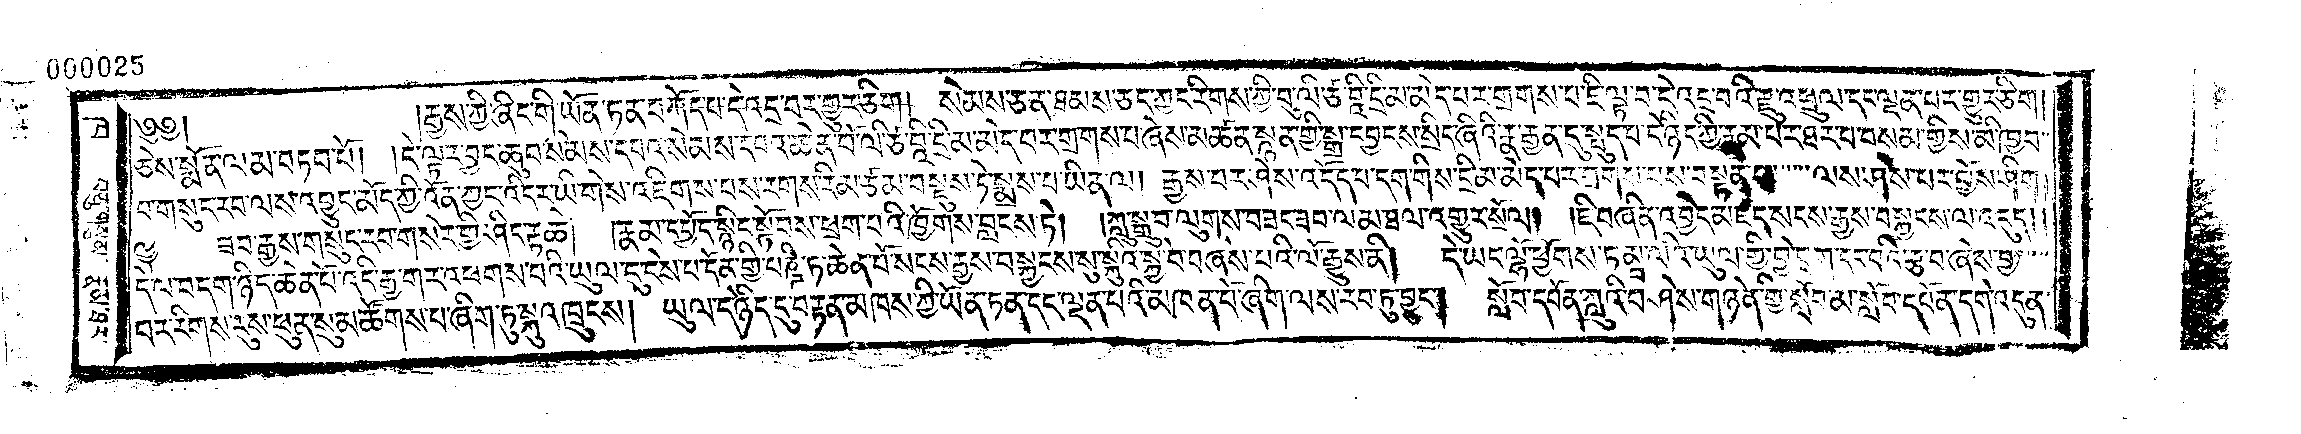༄༅། །རྒྱས་ཀྱི་ཞིང་གི་ཡོན་ཏན་བཀོད་པ་དེ་འདྲ་བར་གྱུར་ཅིག། སེམས་ཅན་ཐམས་ཅད་ཀྱང་རིགས་ཀྱི་བུ་ལི་ཙ་བཱི་དྲི་མ་མེད་པར་གྲགས་པ་ཇི་ལྟ་བ་དེ་འདྲ་བའི་རྫུ་འཕྲུལ་དང་ལྡན་པར་གྱུར་ཅིག།
ཅེས་སྨོན་ལམ་བཏབ་པོ། །དེ་ལྟར་བྱང་ཆུབ་སེམས་དཔའ་སེམས་དཔའ་ཆེན་པོ་ལི་ཙ་བཱི་དྲི་མ་མེད་པར་གྲགས་པ་ཞེས་མཚན་སྙན་གྱི་སྒྲ་དབྱངས་སྲིད་ཞིའི་རྣ་རྒྱན་དུ་སྤུང་པ་དེ་ཉིད་ཀྱི་རྣམ་པར་ཐར་པ་བསམ་གྱིས་མི་ཁྱབ་
པ་གསུང་རབ་ལས་འབྱུང་མོད་ཀྱི་འོན་ཀྱང་འདིར་ཡི་གེས་འཇིགས་པས་རགས་རིམ་ཙམ་བསྡུས་ཏེ་སྨྲས་པ་ཡིན་ལ། རྒྱས་པར་ཤེས་འདོད་པ་དག་གིས་དྲི་མ་མེད་པར་གྲགས་པས་བསྟན་པ་ལས་ཤེས་པར་བྱོས་ཤིག།
༈ ཟབ་རྒྱས་གསུང་རབ་གསེར་གྱི་ཤིང་རྟ་ཆེ། །རྣམ་དཔྱོད་སྙིང་སྟོབས་ཕྲག་པའི་ཁྱོགས་བླངས་ཏེ། །ཀླུ་སྒྲུབ་ལུགས་བཟང་ཟབ་ལམ་ཐལ་འགྱུར་སྲོལ། །ཇི་བཞིན་འབྱེད་མཛད་སངས་རྒྱས་བསྐྱངས་ལ་འདུད། །
དེ་ལ་བདག་ཉིད་ཆེན་པོ་འདི་རྒྱ་གར་འཕགས་པའི་ཡུལ་དུ་ངེས་པ་དོན་གྱི་པཎྜི་ཏ་ཆེན་པོ་སངས་རྒྱས་བསྐྱངས་སུ་སྐུའི་སྐྱེ་བ་བཞེས་པའི་ལོ་རྒྱུས་ནི། དེ་ཡང་ལྷོ་ཕྱོགས་ཏམྦ་ལའི་ཡུལ་གྱི་བྱེ་བྲག་དང་པའི་རྩ་བ་ཞེས་བྱ་
བར་རིགས་རུས་ཕུན་སུམ་ཚོགས་པ་ཞིག་ཏུ་སྐུ་འཁྲུངས། ཡུལ་དེ་ཉིད་དུ་བརྟན་མཁས་ཀྱི་ཡོན་ཏན་དང་ལྡན་པའི་མཁན་པོ་ཞིག་ལས་རབ་ཏུ་བྱུང་། སློབ་དཔོན་ཀླུའི་བཤེས་གཉེན་གྱི་སློབ་མ་སློབ་དཔོན་དགེ་འདུན་